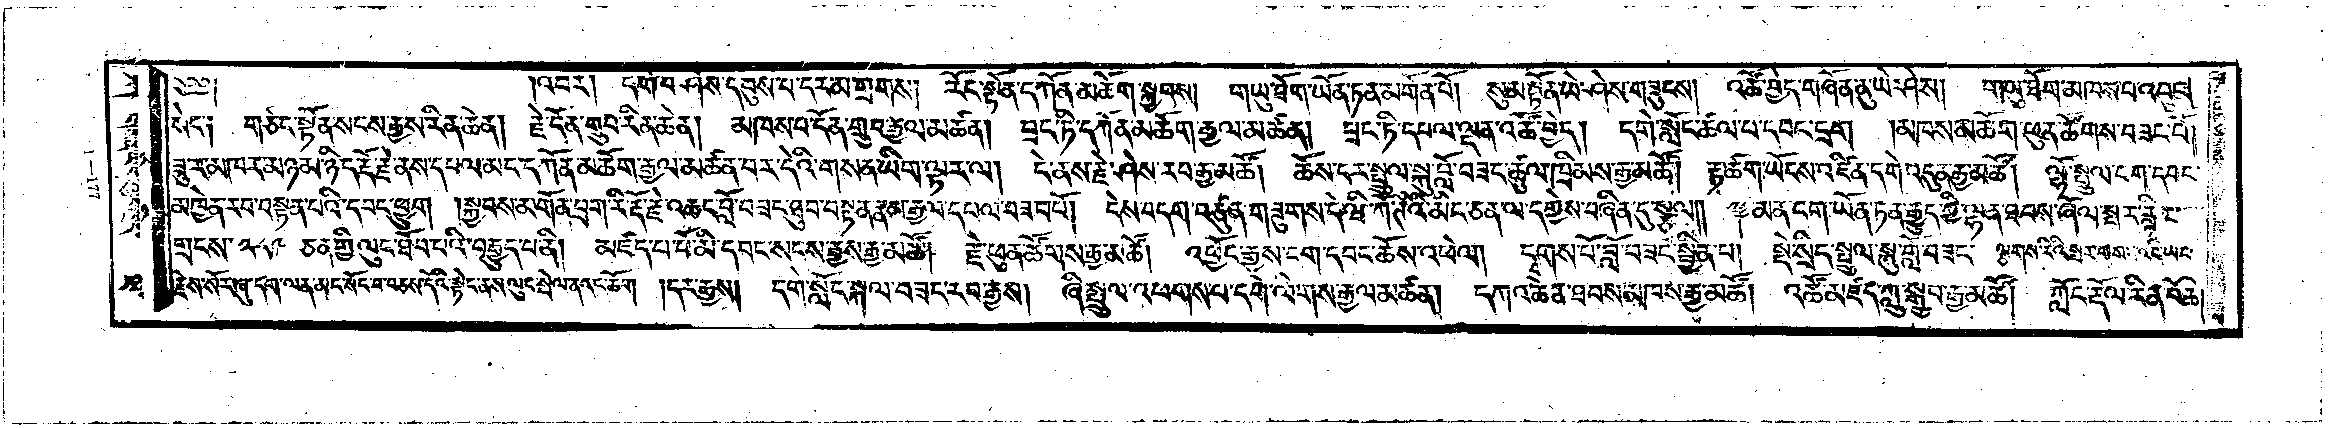༄༅། །འབར། དགེ་བཤེས་དབུས་པ་དར་མ་གྲགས། རོང་སྟོན་དཀོན་མཆོག་སྐྱབས། གཡུ་ཐོག་ཡོན་ཏན་མགོན་པོ། སུམ་སྟོན་ཡེ་ཤེས་གཟུངས། འཚོ་བྱེད་གཞོན་ནུ་ཡེ་ཤེས། གཡུ་ཐོག་མཁས་པ་འབུང་
སེང༑ གཙང་སྟོན་སངས་རྒྱས་རིན་ཆེན། རྗེ་དོན་གྲུབ་རིན་ཆེན། མཁས་བ་དོན་གྲུབ་རྒྱལ་མཚན། བྲང་ཏི་དཀོན་མཆོག་རྒྱལ་མཚན། པྲང་ཏི་དཔལ་ལྡན་འཚོ་བྱེད། དགེ་སློང་ཚལ་བ་དབང་དྲག །མཁས་མཆོག་ཕུན་ཚོགས་བཟང་པོ།
ཟུར་མཁར་མཉམ་ཉིད་རྡོ་རྗེ་ནས་དཔལ་མང་དཀོན་མཆོག་རྒྱལ་མཚན་བར་དེའི་གསན་ཡིག་ལྟར་ལ། དེ་ནས་རྗེ་ཤེས་རབ་རྒྱ་མཚོ། ཆོས་དར་སྤྲུལ་སྐུ་བློ་བཟང་ཚུལ་ཁྲིམས་རྒྱ་མཚོ། རྟ་ཚག་ཡོངས་འཛིན་དགེ་འདུན་རྒྱ་མཚོ། ལྷོ་སྤྲུལ་ངག་དབང་
མཁྱེན་རབ་བསྟན་པའི་དབང་ཕྱུག །སྐྱབས་མགོན་བྲག་རི་རྡོ་རྗེ་འཆང་བློ་བཟང་ཐུབ་བསྟན་རྣམ་རྒྱལ་དཔལ་བཟང་པོ། དེས་བདག་བཙུན་གཟུགས་དེ་ཝི་ཀོ་ཏའི་མིང་ཅན་ལ་དགྱེས་བཞིན་དུ་སྩལ།། ༈ མན་ངག་ཡོན་ཏན་རྒྱུད་ཀྱི་ལྷན་ཐབས་ཞོལ་སྦར་རླིང་
གྲངས ༢༨༩་ཅན་གྱི་ལུང་ཐོབ་པའི་བརྒྱུད་པ་ནི། མཛད་པ་པོ་མི་དབང་སངས་རྒྱས་རྒྱ་མཚོ། རྗེ་ཕུན་ཚོགས་རྒྱ་མཚོ། འཕྱོང་རྒྱས་ངག་དབང་ཆོས་འཕེལ། དྭགས་པོ་བློ་བཟང་སྦྱིན་པ། སྡེ་སྲིད་སྤྲུལ་སྐུ་གློ་བཟང་ལྕགས་རིའི་སྦར་གསལ་འདི་ཡང་
རྗེས་སོར་ཞུ་དག་ལན་མང་སོང་བ་བཅས་དེའི་སྟེང་ནས་ལུང་སྤེལ་ནའང་ཆོག །དར་རྒྱས། དགེ་སློང་སྐལ་བཟང་རབ་རྒྱས། ཞི་སྤྲུལ་འཕགས་པ་དགེ་ལེགས་རྒྱལ་མཚན། །དཀའ་ཆེན་ཐབས་མཁས་རྒྱ་མཚོ། འཚོ་མཛད་ཀླུ་སྒྲུབ་རྒྱ་མཚོ། ཀློང་རྡོལ་རིན་པོ་ཆེ།